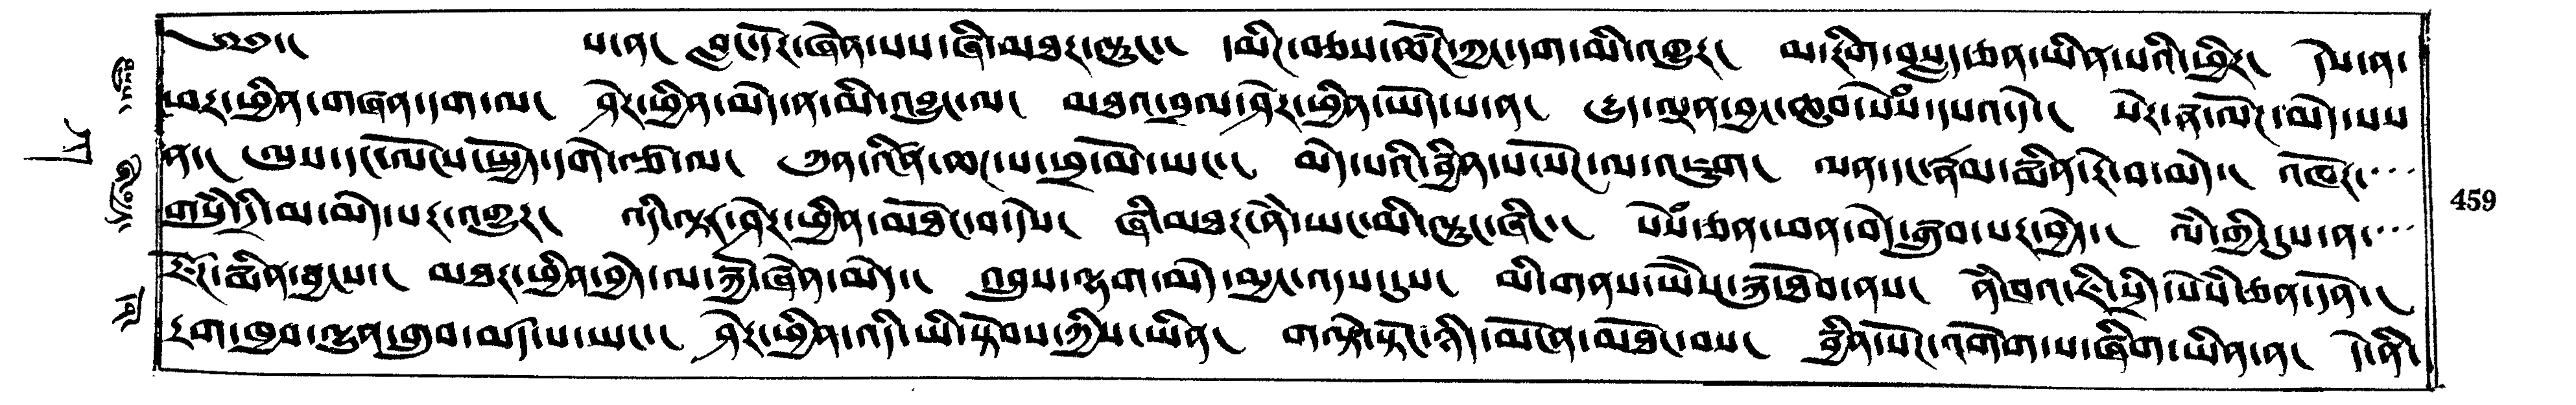པ་ན། །བླང་དོར་ཞེན་པས་ཞི་མཐར་ལྟུང་། །དམིགས་བཅས་ཚོགས་ཀྱང་དག་མི་འགྱུར། །མ་རིག་བསླད་ཅན་ཡིན་པའི་ཕྱིར། །དེས་ན་
ཕར་ཕྱིན་གཞན་དག་ལ། །ཤེར་ཕྱིན་མེད་ན་མི་འབྱུང་ལ། །མཐའ་བྲལ་ཤེར་ཕྱིན་ཡོད་པ་ན། །རྒྱུད་ལྡན་བྱང་ཆུབ་སེམས་དཔའ་དེ། །སེར་སྣ་ལ་སོགས་མེད་པས་
ན། །ལུས་དང་ལོངས་སྤྱོད་དགེ་རྩ་ལ་། །ཀུན་འཛིན་ཆགས་པ་ཕྲ་མོ་ཡང་། །མེད་པའི་སྦྱིན་པ་སོགས་ལ་འཇུག།ལན་དང་རྣམ་སྨིན་རེ་བ་མེད། །འཁོར་
གསུམ་དྲི་མ་མེད་པར་འགྱུར། །འདི་ལྟར་ཤེར་ཕྱིན་མཐོང་བ་དེས། །ཞི་མཐར་ནམ་ཡང་མི་ལྟུང་ཞིང་། །སེམས་ཅན་ཕན་བདེ་སྒྲུབ་པར་བྱེད། །ལམ་གྱི་དུས་ན་
རྫོགས་སྨིན་སྦྱངས། །མཐར་ཕྱིན་བྱེད་ལ་སྐྱོ་ཞེན་མེད། །འབྲས་བུ་ལྷག་མེད་མྱང་འདས་དུས། །མི་གནས་ཡེ་ཤེས་སྐུ་ཐོབ་ནས། །ནམ་མཁའ་ཇི་སྲིད་སེམས་ཅན་དོན། །
རྟག་ཁྱབ་ལྷུན་གྲུབ་མཛད་པ་ཡང་། །ཤེར་ཕྱིན་འདི་ཡི་སྟོབས་ཀྱིས་ཡིན། །གལ་ཏེ་སྟོང་ཉིད་མངོན་མཐོང་བས། །སྦྱིན་སོགས་འགོག་པ་ཞིག་ཡིན་ན། །དེ་ནི་